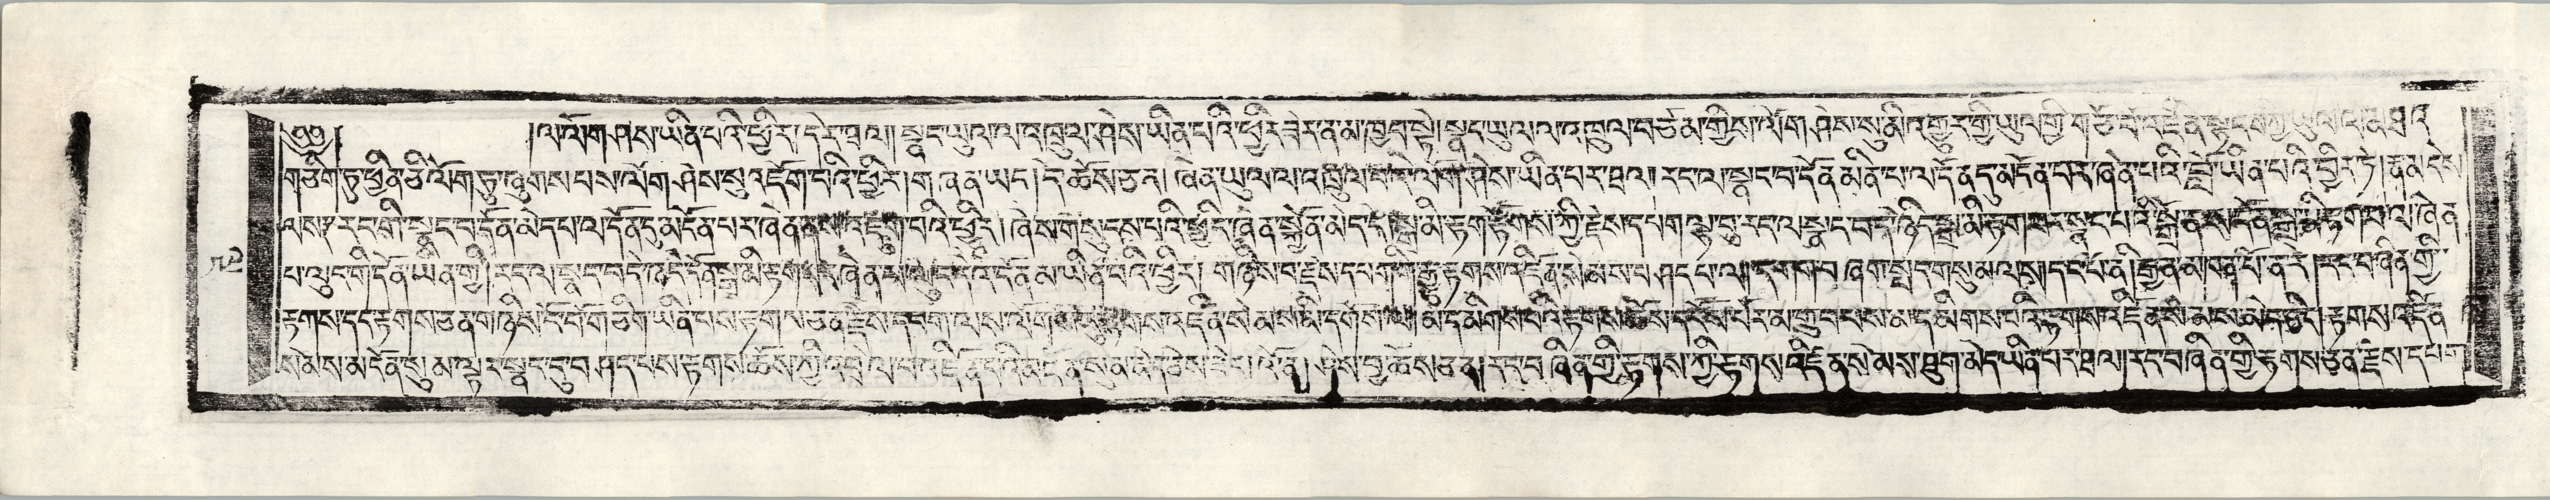༄༅། །ལ་ལོག་ཤེས་ཡིན་པའི་ཕྱིར། དེར་ཐལ། སྣང་ཡུལ་ལ་འཁྲུལ་ཤེས་ཡིན་པའི་ཕྱིར་ཟེར་ན་མ་ཁྱབ་སྟེ། སྣང་ཡུལ་ལ་འཁྲུལ་བ་ཙམ་གྱིས་ལོག་ཤེས་སུ་མི་འགྱུར་གྱི་ཡུལ་གྱི་གཙོ་བོ་འཛིན་སྟང་ཀྱེ་ཡུལ་ལ་མཐའ་
གཅིག་ཏུ་ཕྱིན་ཅི་ལོག་ཏུ་ཞུགས་པས་ལོག་ཤེས་སུ་འཇོག་པའི་ཕྱིར། གཞན་ཡང་། དེ་ཆོས་ཅན། ཞེན་ཡུལ་ལ་འཁྲུལ་བའི་ལོག་ཤེས་ཡིན་པར་ཐལ། རང་ལ་སྣང་བ་དོན་མིན་པ་ལ་དོན་དུ་མངོན་པར་ཞེན་པའི་བློ་ཡིན་པའི་ཕྱིར་ཏེ། རྣམ་ངེས་
ལས། རང་གི་སྣང་བ་དོན་མེད་པ་ལ་དོན་དུ་མངོན་པར་ཞེན་ནས་འཇུག་པའི་ཕྱིར། ཞེས་གསུངས་པའི་ཕྱིར་ཞེ་ན་སྐྱོན་མེད་དེ། སྒྲ་མི་རྟག་རྟོགས་ཀྱི་རྗེས་དཔག་ལྟ་བུ་རང་ལ་སྣང་བ་དེ་ཉིད་སྒྲ་མི་རྟག་པར་སྣང་བའི་སྒོ་ནས་དོན་སྒྲ་མི་རྟག་པ་ལ་ཞེན་
པ་ལུང་གི་དོན་ཡིན་གྱི། རང་ལ་སྣང་བ་དེ་ཉིད་དོན་སྒྲ་མི་རྟག་པར་ཞེན་པ་ལུང་དེའི་དོན་མ་ཡིན་པའི་ཕྱིར། གཉིས་པ་རྗེས་དཔག་གི་རྒྱུ་རྟགས་འཛིན་སེམས་བཤད་པ་ལ། དགག་བཞག་སྤོང་གསུམ་ལས། དང་པོ་ནི། རྒྱན་མཁན་པོ་ན་རེ། རང་བཞིན་གྱི་
རྟགས་དང་རྟགས་ཅན་གཉིས་ངོ་བོ་གཅིག་ཡིན་པས་རྟགས་ཅན་རྗེས་དཔག་ལས་ལོགས་སུ་རྟགས་འཛིན་སེམས་མི་དགོས་ལ། མ་དམིགས་པའི་རྟགས་ཆོས་དངོས་པོར་མ་གྲུབ་པས་མ་དམིགས་པའི་རྟགས་འཛིན་སེམས་མེད་ཅིང་། རྟགས་འཛིན་
སེམས་མངོན་སུམ་ལྟར་སྣང་དུ་བཤད་པས་རྟགས་ཆོས་ཀྱི་འབྲེལ་བ་འཛིན་པའི་མངོན་སུམ་མེད་ཅེས་ཟེར། འོ་ན། ཤེས་བྱ་ཆོས་ཅན། རང་བཞིན་གྱི་རྟགས་ཀྱི་རྟགས་འཛིན་སེམས་ཐུག་མེད་ཡིན་པར་ཐལ། རང་བཞིན་གྱི་རྟགས་ཅན་རྗེས་དཔག་